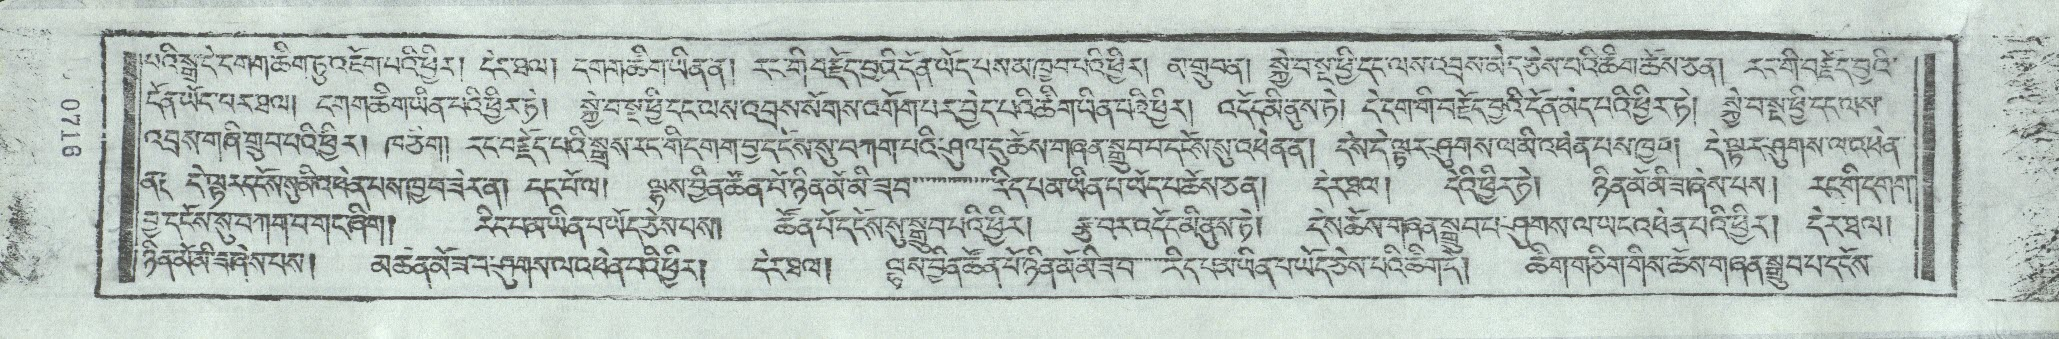པའི་སྒྲ་དེ་དགག་ཚིག་ཏུ་འཇོག་པའི་ཕྱིར། དེར་ཐལ། དགག་ཚིག་ཡིན་ན། རང་གི་བརྗོད་བྱའི་དོན་ཡོད་པས་མ་ཁྱབ་པའི་ཕྱིར། མ་གྲུབ་ན། སྐྱེ་བ་སྔ་ཕྱི་དང་ལས་འབྲས་མེད་ཅེས་པའི་ཚིག་ཆོས་ཅན། རང་གི་བརྗོད་བྱའི་
དོན་ཡོད་པར་ཐལ། དགག་ཚིག་ཡིན་པའི་ཕྱིར་ཏེ། སྐྱེ་བ་སྔ་ཕྱི་དང་ལས་འབྲས་སོགས་འགོག་པར་བྱེད་པའི་ཚིག་ཡིན་པའི་ཕྱིར། འདོད་མི་ནུས་ཏེ། དེ་དག་གི་བརྗོད་བྱའི་དོན་མེད་པའི་ཕྱིར་ཏེ། སྐྱེ་བ་སྔ་ཕྱི་དང་ལས་
འབྲས་གཞི་གྲུབ་པའི་ཕྱིར། ཁ་ཅིག། རང་བརྗོད་པའི་སྒྲས་རང་གི་དགག་བྱ་དངོས་སུ་བཀག་པའི་ཤུལ་དུ་ཆོས་གཞན་སྒྲུབ་པ་དངོས་སུ་འཕེན་ན། དེས་དེ་ལྟར་ཤུགས་ལ་མི་འཕེན་པས་ཁྱབ། དེ་ལྟར་ཤུགས་ལ་འཕེན་
ན༑ དེ་ལྟར་དངོས་སུ་མི་འཕེན་པས་ཁྱབ་ཟེར་ན། དང་པོ་ལ། ལྷས་བྱིན་ཚོན་པོ་ཉིན་མོ་མི་ཟ་བ་རིང་པ་མ་ཡིན་པ་ཡོད་པ་ཆོས་ཅན། དེར་ཐལ། དེའི་ཕྱིར་ཏེ། ཉོན་མོ་མི་ཟ་ཞེས་པས། རང་གི་དགག་
བྱ་དངོས་སུ་བཀག་པ་གང་ཞིག། རིང་པ་མ་ཡིན་པ་ཡོད་ཅེས་པས། ཚོན་པོ་དངོས་སུ་སྒྲུབ་པའི་ཕྱིར། རྩ་བར་འདོད་མི་ནུས་ཏེ། དེས་ཆོས་གཞན་སྒྲུབ་པ་ཤུགས་ལ་ཡང་འཕེན་པའི་ཕྱིར། དེར་ཐལ།
ཉིན་མོ་མི་ཟ་ཞེས་པས། མཚན་མོ་ཟ་བ་ཤུགས་ལ་འཕེན་པའི་ཕྱིར། དེར་ཐལ། ལྷས་བྱིན་ཚོན་པོ་ཉིན་མོ་མི་ཟ་བ་རིད་པ་མ་ཡིན་པ་ཡོད་ཅེས་པའི་ཚིག་དེ། ཚིག་གཅིག་གིས་ཆོས་གཞན་སྒྲུབ་པ་དངོས་